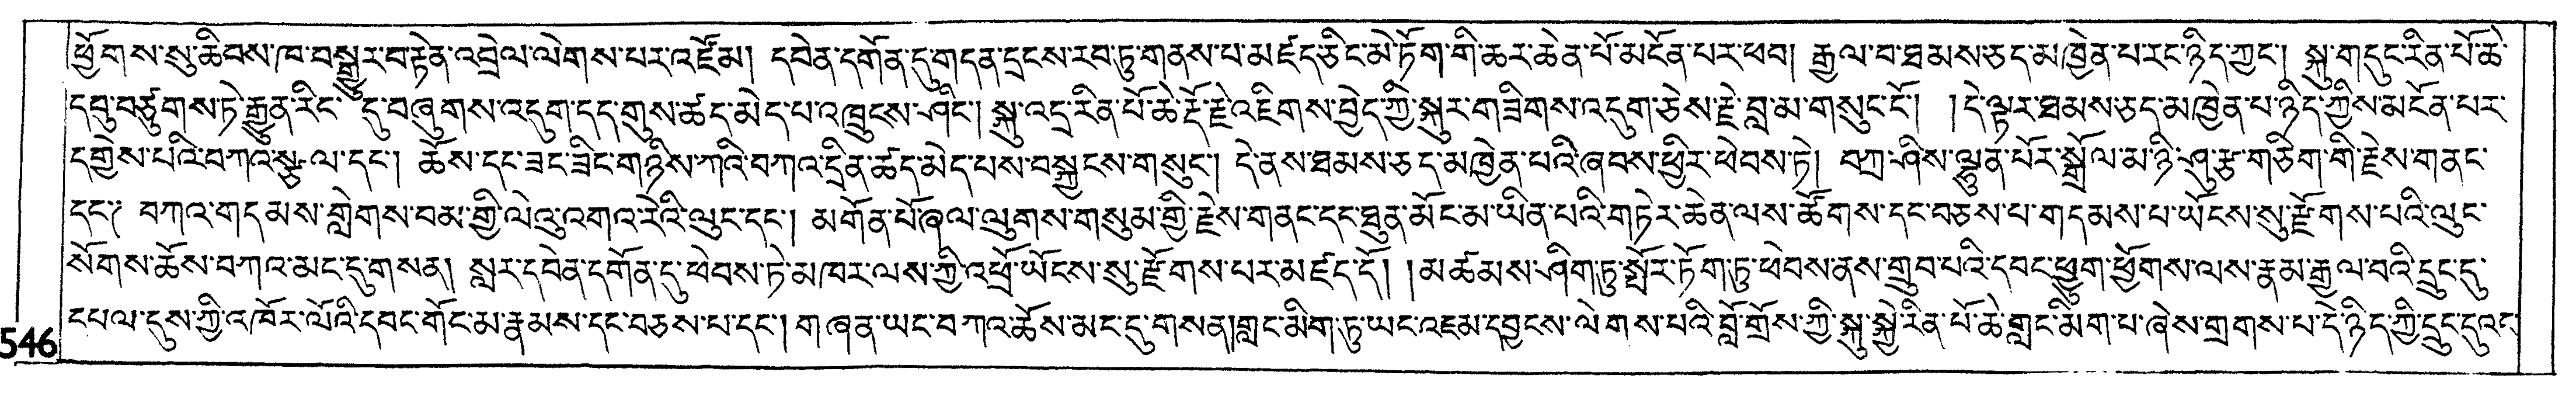ཕྱོགས་སུ་ཆིབས་ཁ་བསྒྱུར་བ་རྟེན་འབྲེལ་ལེགས་པར་འཛོམ། དབེན་དགོན་དུ་གདན་དྲངས་རབ་ཏུ་གནས་པ་མཛད་ཅིང་མེ་ཏོག་གི་ཆར་ཆེན་པོ་མངོན་པར་ཕབ། རྒྱལ་བ་ཐམས་ཅད་མཁྱེན་པ་རང་ཉིད་ཀྱང་། སྐུ་གདུང་རིན་པོ་ཆེ་
དབུ་བཙུགས་ཏེ་རྒྱུན་རིང་དུ་བཞུགས་འདུག་དད་གུས་ཚད་མེད་པ་འཁྲུངས་ཤིང་། སྐུ་འདྲ་རིན་པོ་ཆེ་རྡོ་རྗེ་འཇིགས་བྱེད་ཀྱི་སྐུར་གཟིགས་འདུག་ཅེས་རྗེ་བླ་མ་གསུང་ངོ། །དེ་ལྟར་ཐམས་ཅད་མཁྱེན་པ་ཉིད་ཀྱིས་མངོན་པར་
དགྱེས་པའི་བཀའ་སྩལ་དང་། ཆོས་དང་ཟང་ཟིང་གཉིས་ཀའི་བཀའ་དྲིན་ཚད་མེད་པས་བསྐྱངས་གསུང་། དེ་ནས་ཐམས་ཅད་མཁྱེན་པའི་ཞབས་ཕྱིར་ཕེབས་ཏེ། བཀྲ་ཤིས་ལྷུན་པོར་སྒྲོལ་མ་ཉི་ཤུ་རྩ་གཅིག་གི་རྗེས་གནང་
དང༑ བཀའ་གདམས་གླེགས་བམ་གྱི་ལེའུ་འགའ་རེའི་ལུང་དང་། མགོན་པོ་ཞལ་ལུགས་གསུམ་གྱི་རྗེས་གནང་དང་ཐུན་མོང་མ་ཡིན་པའི་གཏེར་ཆེན་ལས་ཚོགས་དང་བཅས་པ་གདམས་པ་ཡོངས་སུ་རྫོགས་པའི་ལུང་
སོགས་ཆོས་བཀའ་མང་དུ་གསན། སླར་དབེན་དགོན་དུ་ཕེབས་ཏེ་མཁར་ལས་ཀྱི་འཕྲོ་ཡོངས་སུ་རྫོགས་པར་མཛད་དོ། །མཚམས་ཤིག་ཏུ་སྤོར་ཏོག་ཏུ་ཕེབས་ནས་གྲུབ་པའི་དབང་ཕྱུག་ཕྱོགས་ལས་རྣམ་རྒྱལ་བའི་དྲུང་དུ་
དཔལ་དུས་ཀྱི་འཁོར་ལོའི་དབང་གོང་མ་རྣམས་དང་བཅས་པ་དང་། གཞན་ཡང་བཀའ་ཆོས་མང་དུ་གསན། གླང་མིག་ཏུ་ཡང་འཇམ་དབྱངས་ལེགས་པའི་བློ་གྲོས་ཀྱི་སྐུ་སྐྱེ་རིན་པོ་ཆེ་གླང་མིག་པ་ཞེས་གྲགས་པ་དེ་ཉིད་ཀྱི་དྲུང་དུའང་